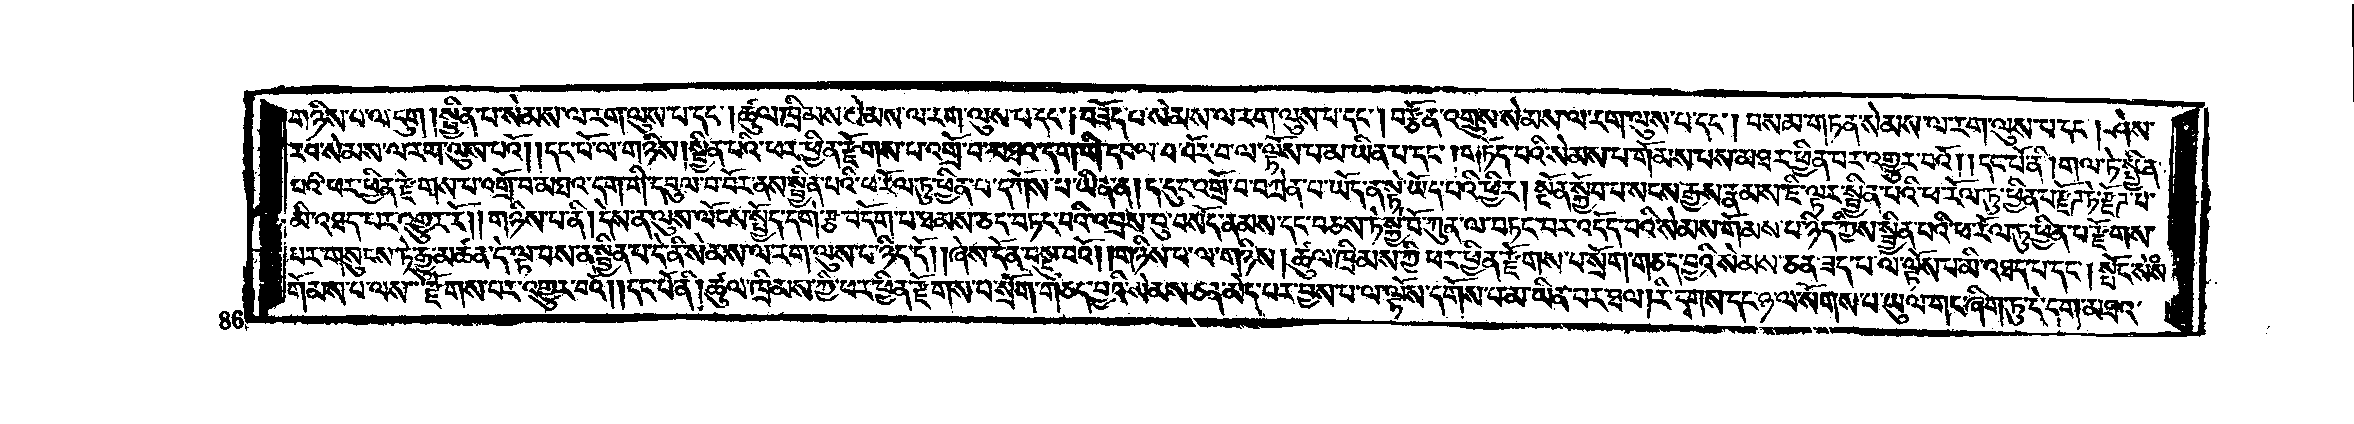གཉིས་པ་ལ་དྲུག །སྦྱིན་པ་སེམས་ལ་རག་ལུས་པ་དང་། ཚུལ་ཁྲིམས་སེམས་ལ་རག་ལུས་པ་དང་། བཟོད་པ་སེམས་ལ་རག་ལུས་པ་དང་། བརྩོན་འགྲུས་སེམས་ལ་རག་ལུས་པ་དང་། བསམ་གཏན་སེམས་ལ་རག་ལུས་པ་དང་། ཤེས་
རབ་སེམས་ལ་རག་ལུས་པའོ། །དང་པོ་ལ་གཉིས། སྦྱིན་པའི་ཕར་ཕྱིན་རྫོགས་པ་འགྲོ་བ་མཐའ་དག་གི་དཔག་པ་པོར་བ་ལ་ལྟོས་པ་མ་ཡིན་པ་དང་། གཏོད་པའི་སེམས་པ་གོམས་པས་མཐར་ཕྱིན་པར་འགྱུར་བའོ། །དང་པོ་ནི། གལ་ཏེ་སྦྱིན་
པའི་ཕྱིར་ཕྱིན་རྫོགས་པ་འགྲོ་བ་མཐའ་དག་གི་དབུལ་བ་པོར་ནས་སྦྱིན་པའི་ཕ་རོལ་ཏུ་ཕྱིན་པ་དཀོས་པ་ཡིན་ནོ། ད་དུང་འགྲོ་བ་བཀྲེན་པ་ཡོད་ན་སྟེ་ཡོད་པའི་ཕྱིར་སྔོན་སྐྱོབ་པ་སངས་རྒྱས་རྣམས་ཇི་ལྟར་སྦྱིན་པའི་ཕ་རོལ་ཏུ་ཕྱིན་པ་རྫོགས་ཏེ་རྫོགས་པ་
མི་འཐད་པར་འགྱུར་རོ། །གཉིས་པ་ནི། དེས་ན་ལུས་ལོངས་སྤྱོད་དགེ་རྩ་བདོག་པ་ཐམས་ཅད་བཏང་བའི་འབྲས་བུ་བསོད་ནམས་དང་བཅས་ཏེ་སྐྱེ་བོ་ཀུན་ལ་བཏང་བར་འདོད་པའི་སེམས་གོམས་པ་ཉིད་ཀྱིས་སྦྱིན་པའི་ཕ་རོལ་ཏུ་ཕྱིན་པ་རྫོགས་
པར་གསུངས་ཏེ་རྒྱུ་མཚན་དེ་ལྟ་བས་ན་སྦྱིན་པ་དེ་ནི་སེམས་ལ་རག་ལུས་པ་ཉིད་དོ། །ཞེས་དོན་བསྡུ་བའོ། །གཉིས་པ་ལ་གཉིས། ཚུལ་ཁྲིམས་ཀྱི་ཕར་ཕྱིན་རྫོགས་པ་སྲོག་གཅད་བྱའི་སེམས་ཅན་ཟད་པ་ལ་ལྟོས་པ་མི་འཐད་པ་དང་། སྤོང་སེམས་
གོམས་པ་ལས་རྫོགས་པར་འགྱུར་བའོ། །དང་པོ་ནི། ཚུལ་ཁྲིམས་ཀྱི་ཕར་ཕྱིར་རྫོགས་པ་སྲོག་གཅད་བྱའི་སེམས་ཅན་མེད་པར་བྱས་པ་ལ་ལྟོས་དགོས་པ་མ་ཡིན་པར་ཐལ། རི་དྭགས་དང་ཉ་ལ་སོགས་པ་ཡུལ་གང་ཞིག་ཏུ་དེ་དག་མཐའ་